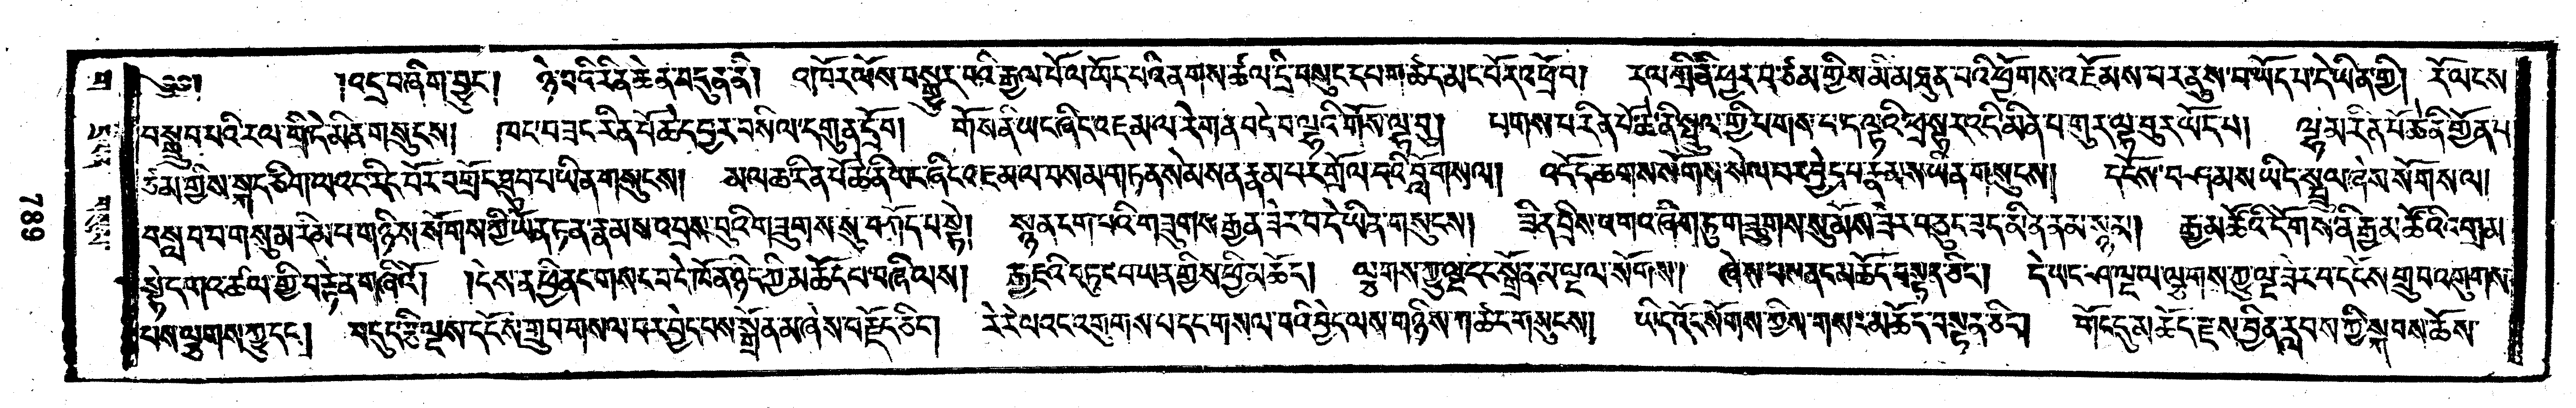༄༅། །འདྲ་བ་ཞིག་བྱུང་། ཉེ་བའི་རིན་ཆེན་བདུན་ནི། འཁོར་ལོས་བསྒྱུར་བའི་རྒྱལ་པོ་ལ་ཡོད་པའི་ནགས་ཚལ་དྲི་བསུང་དཔག་ཚད་མང་པོར་འཕྲོ་བ། རལ་གྲི་ནི་ཕྱར་བ་ཙམ་གྱིས་མི་མཐུན་པའི་ཕྱོགས་འཇོམས་པར་ནུས་པ་ཡོད་པ་དེ་ཡིན་གྱི། རོ་ལངས་
བསྒྲུབ་པའི་རལ་གྲི་དེ་མིན་གསུངས། ཁང་བཟང་རིན་པོ་ཆེ་དབྱར་བསིལ་དགུན་དྲོ་བ། གོས་ནི་ཡང་ཞིང་འཇམ་ལ་རེག་ན་བདེ་བ་ལྷའི་གོས་ལྟ་བུ། པགས་པ་རིན་པོ་ཆེ་ནི་སྤྲུལ་གྱི་པགས་པ་ད་ལྟའི་ཕྲ་སྟར་འདི་མིན་པ་གུར་ལྟ་བུར་ཡོད་པ། ལྷམ་རིན་པོ་ཆེ་ནི་གྱོན་པ་
ཙམ་གྱིས་སྐད་ཅིག་ལའང་རིང་པོར་བགྲོད་ཐུབ་པ་ཡིན་གསུངས། མལ་ཆ་རིན་པོ་ཆེ་ནི་ཡང་ཞིང་འཇམ་ལ་བསམ་གཏན་སེམས་ན་རྣམ་པར་གྲོལ་བའི་བློ་གསལ། འདོད་ཆགས་སོགས་སེལ་བར་བྱེད་པ་རྣམས་ཡིན་གསུངས། དངོས་བཤམས་ཡིད་སྤྲུལ་ཞེས་སོགས་ལ།
བསླབ་པ་གསུམ་རིམ་པ་གཉིས་སོགས་ཀྱི་ཡོན་ཏན་རྣམས་འབྲས་བུའི་གཟུགས་སུ་བཀོད་པ་སྟེ། སྙན་ངག་པའི་གཟུགས་བརྒྱན་ཟེར་བ་དེ་ཡིན་གསུངས། ཟིན་བྲིས་འགའ་ཞིག་ཏུ་གཟུགས་སུ་མོས་ཟེར་བ་ཅུང་ཟད་མིན་ནམ་སྙམ། རྒྱ་མཚོའི་ངོགས་ནི་རྒྱ་མཚོའི་འགྲམ་
སྟེ་དགའ་ཚལ་གྱི་བརྟེན་གཞིའོ། །དེས་ན་ཕྱི་ནང་གསང་བ་དེ་ཁོ་ན་ཉིད་ཀྱི་མཆོད་པ་བཞི་ལས། རྒྱ་ཇའི་བཏུང་བ་ཡན་གྱིས་ཕྱི་མཆོད། ལྕགས་ཀྱུ་ལྔ་དང་སྒྲོན་མ་ལྔ་ལ་སོགས། ཞེས་པས་ནང་མཆོད་བསྟན་ཅིང་། དེ་ཡང་ཤ་ལྔ་ལ་ལྕགས་ཀྱུ་ལྔ་ཟེར་བ་དངོས་གྲུབ་འགུགས་
པས་ལྕགས་ཀྱུ་དང་། བདུད་རྩི་ལྔས་དངོས་གྲུབ་གསལ་བར་བྱེད་པས་སྒྲོན་མ་ཞེས་བརྗོད་ཅིང་། རེ་རེ་ལའང་འགུགས་པ་དང་གསལ་བའི་བྱེད་ལས་གཉིས་ཀ་ཚང་གསུངས། ཡིད་འོང་སོགས་ཀྱིས་གསར་མཆོད་བསྟན་ཅིང་། གོང་དུ་མཆོད་རྫས་བྱིན་རླབས་ཀྱི་སྐབས་ཆོས་